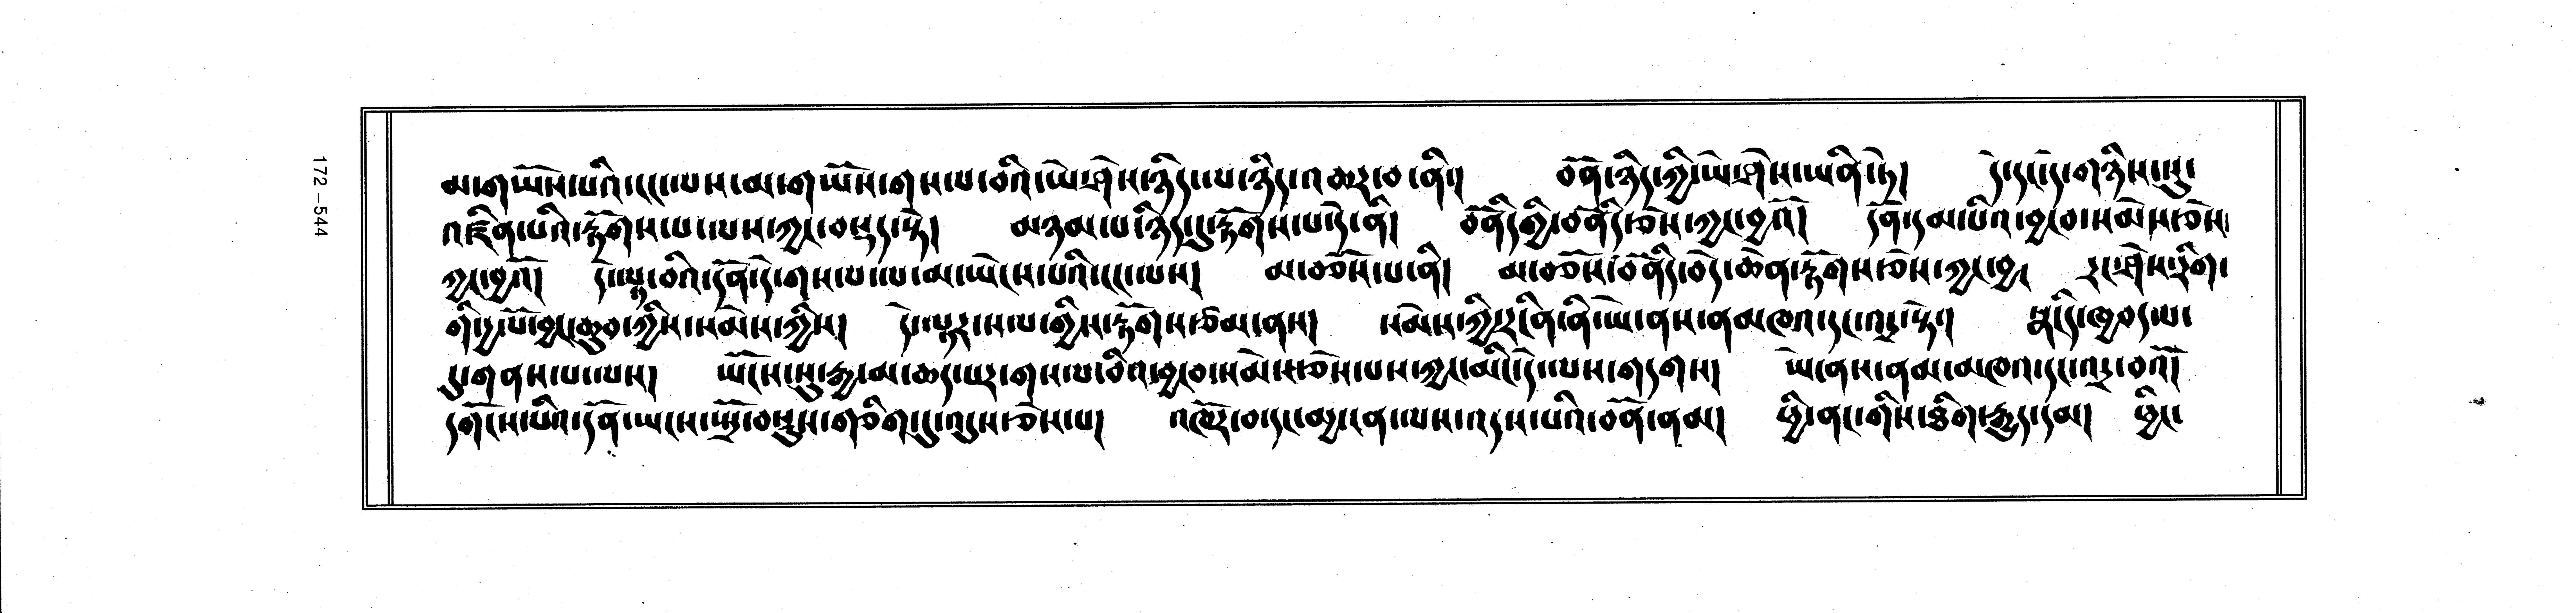མ་གཡོས་པའི་ངང་ལས་མ་གཡོས་གསལ་བའི་ཡེ་ཤེས་ཉིད་ལ་ཉིད་འཆར་བ་ནི། བོན་ཉིད་ཀྱི་ཡེ་ཤེས་ཡིན་ཏེ། དེ་དང་དེ་གཉིས་སུ་
འཛིན་པའི་རྟོགས་པ་ལས་ཀྱང་བསྡད་སྟེ། མཉམ་པ་ཉིད་དུ་རྟོགས་པ་དེ་ནི། བོན་ཉིད་གྱི་བོན་ཉིད་ཅེས་ཀྱང་བྱའོ། དོན་དམ་པའི་བྱང་ཆུབ་སེམས་ཅེས་
ཀྱང་བྱའོ། དེ་ལྟར་བའི་དོན་དེ་གསལ་ལ་མ་གཡེངས་པའི་ངང་ལས། མ་བཅོས་པ་ནི་མ་བཅོས་བོན་ཉིད་བདེ་ཆེན་རྟོགས་ཅེས་ཀྱང་བྱ། རང་ཤེས་རིག་
གི་རྒྱལ་པོ་བྱང་ཆུབ་ཀྱི་སེམས་ཀྱིས། དེ་ལྟར་སལ་གྱིས་རྟོགས་ཙམ་ནས། སེམས་ཀྱི་རང་བཞིན་ནི་ཡེ་ནས་ནམ་མཁའ་དང་འདྲ་སྟེ། སྣང་སྲིད་ཁྱབ་བདལ་
དུ་གནས་པ་ལས། ཡོངས་སུ་རྒྱ་མ་ཆད་པར་གསལ་བའི་བྱང་ཆུབ་སེམས་ཅེས་པས་ཀྱང་མིང་དེ་ལས་གདགས། ཡེ་ནས་ནམ་མཁའ་དང་འདྲ་བའོ། 
དགོངས་པའི་དོན་ཡང་སྤྲོ་བསྡུས་གཅིག་དུ་འདུས་ཅེས་པ། འཁོར་བ་དང་མྱ་ངན་ལས་འདས་པའི་བོན་ནམ། ཕྱི་ནང་གིས་ཐིག་རྒྱུད་དམ། ཕྱི་ནང་